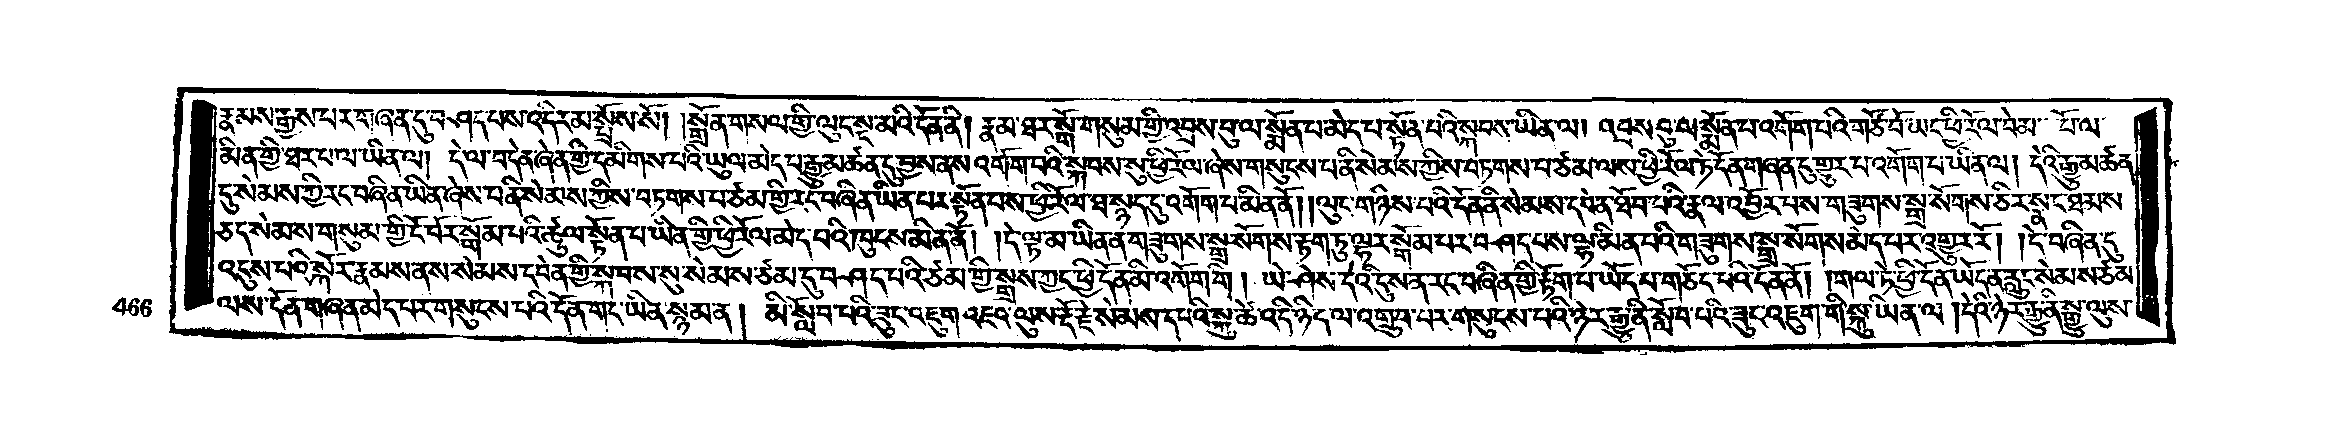རྣམས་རྒྱས་པར་གཞན་དུ་བཤད་པས་འདིར་མ་སྤྲོས་སོ། །སྒྲོན་གསལ་གྱི་ལུང་སྔ་མའི་དོན་ནི། རྣམ་ཐར་སྒོ་གསུམ་གྱི་འབྲས་བུ་ལ་སྨོན་པ་མེད་པ་སྟོན་པའི་སྐབས་ཡིན་ལ། འབྲས་བུ་ལ་སྨོན་པ་འགོག་པའི་གཙོ་བོ་ཡང་ཕྱི་རོལ་བེམ་པོ་ལ་
མིན་གྱི་ཐར་པ་ལ་ཡིན་ལ། དེ་ལ་བདེན་ཞེན་གྱི་དམིགས་པའི་ཡུལ་མེད་པ་རྒྱུ་མཚན་དུ་བྱས་ནས་འགོག་པའི་སྐབས་སུ་ཕྱི་རོལ་ཞེས་གསུངས་པ་ནི་སེམས་ཀྱིས་བཏགས་པ་ཙམ་ལས་ཕྱི་རོལ་ཏེ་དོན་གཞན་དུ་གྱུར་པ་འགོག་པ་ཡིན་ལ། དེའི་རྒྱུ་མཚན་
དུ་སེམས་ཀྱི་རང་བཞིན་ཡིན་ཞེས་པ་ནི་སེམས་ཀྱིས་བཏགས་པ་ཙམ་གྱི་རང་བཞིན་ཡིན་པར་སྟོན་པས་ཕྱི་རོལ་ཐ་སྙད་དུ་འགོག་པ་མིན་ནོ། །ལུང་གཉིས་པའི་དོན་ནི་སེམས་དབེན་ཐོབ་པའི་རྣལ་འབྱོར་པས་གཟུགས་སྒྲ་སོགས་ཅིར་སྣང་ཐམས་
ཅད་སེམས་གསུམ་གྱི་ངོ་བོར་སྒོམ་པའི་ཚུལ་སྟོན་པ་ཡིན་གྱི་ཕྱི་རོལ་མེད་པའི་ཁུངས་མིན་ནོ། །དེ་ལྟ་མ་ཡིན་ན་གཟུགས་སྒྲ་སོགས་རྟག་ཏུ་ལྷར་སྒོམ་པར་བཤད་པས་ལྷ་མིན་པའི་གཟུགས་སྒྲ་སོགས་མེད་པར་འགྱུར་རོ། །དེ་བཞིན་དུ་
འདུས་པའི་སྐོར་རྣམས་ནས་སེམས་དབེན་གྱི་སྐབས་སུ་སེམས་ཙམ་དུ་བཤད་པའི་ཙམ་གྱི་སྒྲས་ཀྱང་ཕྱི་དོན་མི་འགོག་གི །ཡེ་ཤེས་དེའི་དུས་ན་རང་བཞིན་གྱི་རྟོག་པ་ཡོད་པ་གཅོད་པའི་དོན་ནོ། །གལ་ཏེ་ཕྱི་དོན་ཡོད་ན་རླུང་སེམས་ཙམ་
ལས་དོན་གཞན་མེད་པར་གསུངས་པའི་དོན་གང་ཡིན་སྙམ་ན། མི་སློབ་པའི་ཟུང་འཇུག་འཇའ་ལུས་རྡོ་རྗེ་སེམས་དཔའི་སྐུ་ཚེ་འདི་ཉིད་ལ་འགྲུབ་པར་གསུངས་པའི་ཉེར་རྒྱུ་ནི་སློབ་པའི་ཟུང་འཇུག་གི་སྐུ་ཡིན་ལ། དེའི་ཉེར་རྒྱུ་ནི་སྒྱུ་ལུས་